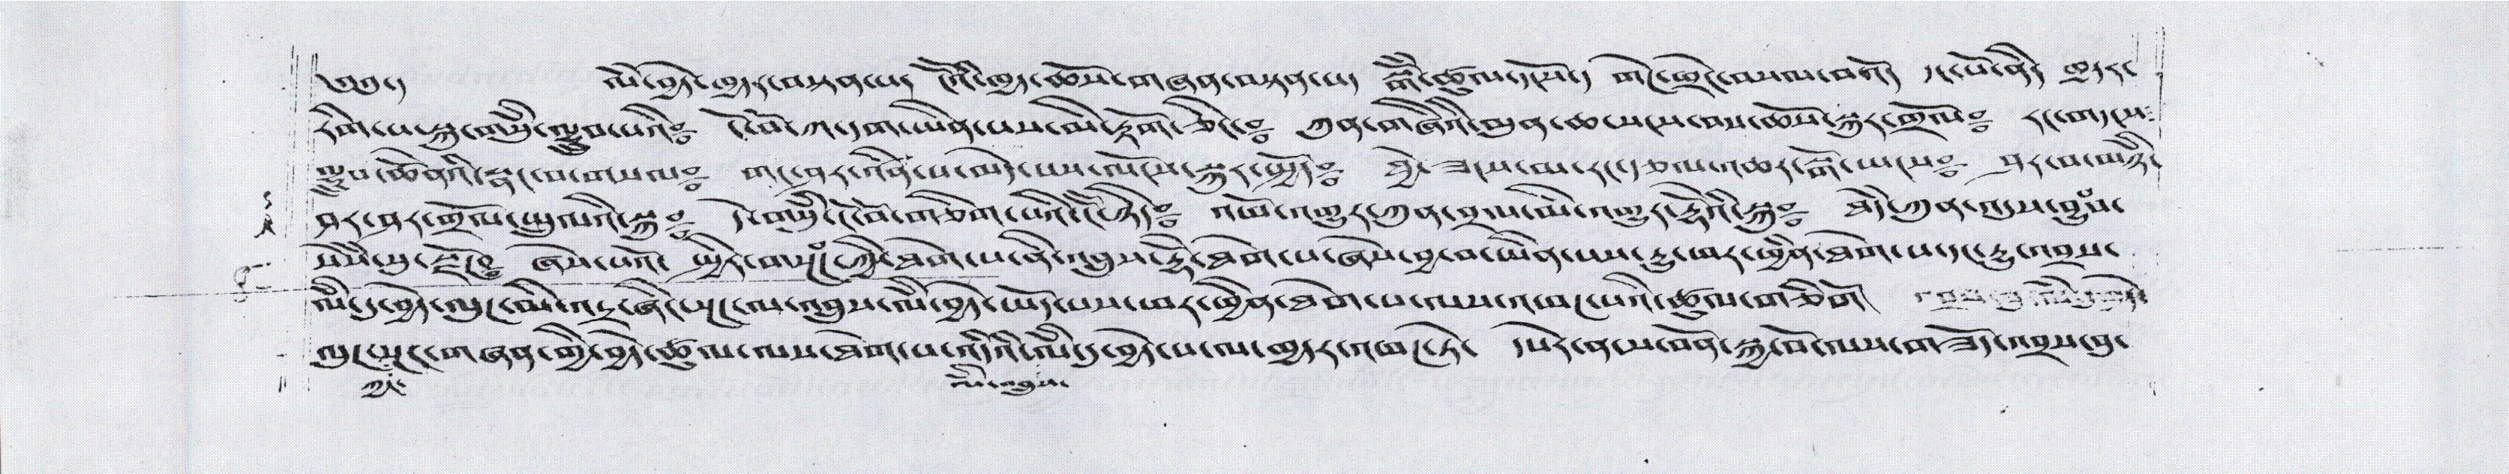༄༅། ལམ་བྱེད་ཁྱད་པར་བསྟན་པ། ངོ་བོའི་ཁྱད་ཆོས་གཞན་བསྟན་པ། སྒོམ་ཚུལ་དངོས། གེགས་ཕྲང་བསལ་བའོ། དང་པོ་ནི། ཁྱད་པར་
རིག་པ་སྐུ་གསུམ་ལྷུན་གྲུབ་པའིཿ ངོ་བོ་ཀ་དག་ཡིན་པས་མི་རྟོག་ཅིངཿ ཀུན་གཞིའི་མུན་ཆ་སངས་པས་ཆོས་སྐུར་གྲོལཿ རང་གདངས་
ལྷུན་གྲུབ་ཆེན་པོའི་སྣང་བ་གསལཿ གང་ཤར་འཛིན་པ་མེད་པས་ལོངས་སྐུར་སྤྱོདཿ ཐུགས་རྗེ་ཟངས་མ་རང་རྩལ་འཆར་སྒོ་ཡངསཿ 
ཤར་བ་མཉམ་ཤར་ཤར་གྲོལ་སྤྲུལ་པའི་སྐུཿ དེ་གསུམ་ངོ་བོ་གཅིག་པའི་ངོ་བོ་ཉིདཿ འཕོ་འགྱུར་ཀུན་བྲལ་མི་འགྱུར་རྡོ་རྗེའི་སྐུཿ ཐམས་ཅད་ཀུན་འདུས་བྱང་ཆུབ་
སེམས་སུ་རྫོགསཿ ཞེས་པའོ། སྤྱིར་གསང་སྔགས་ཀྱི་ཐེག་པ་ནི་འབྲས་བུ་རྡོ་རྗེ་ཐེག་པ་ཞེས་བྱ་བ་ཡིན་པས་རྒྱུ་ཕར་ཕྱིན་ཐེག་པ་དང་རྒྱུ་འབྲས་
ལམ་དུ་བྱེད་ལུགས་མི་འདྲ་ཞིང་། སྔགས་ལ་འབྲས་བུ་ལམ་བྱེད་ཡོད་པས་ཕར་ཕྱིན་ཐེག་པ་ལས་འཕགས་པའི་ཚུལ་གཅིག་གོ འབྲས་བུ་ལམ་དུ་བྱེད་
ལུགས་ཀྱང་སྔགས་གཞན་གྱི་བྱེད་ཚུལ་ལས་ཐེག་པ་འདིའི་འབྲས་བུ་ལམ་དུ་བྱེད་པ་ལ་ཁྱད་པར་འཕགས་ཏེ། དཔེར་ན། ས་བོན་སྐྱ་བོ་ལ་བཟོད་འབྲས་བུ་